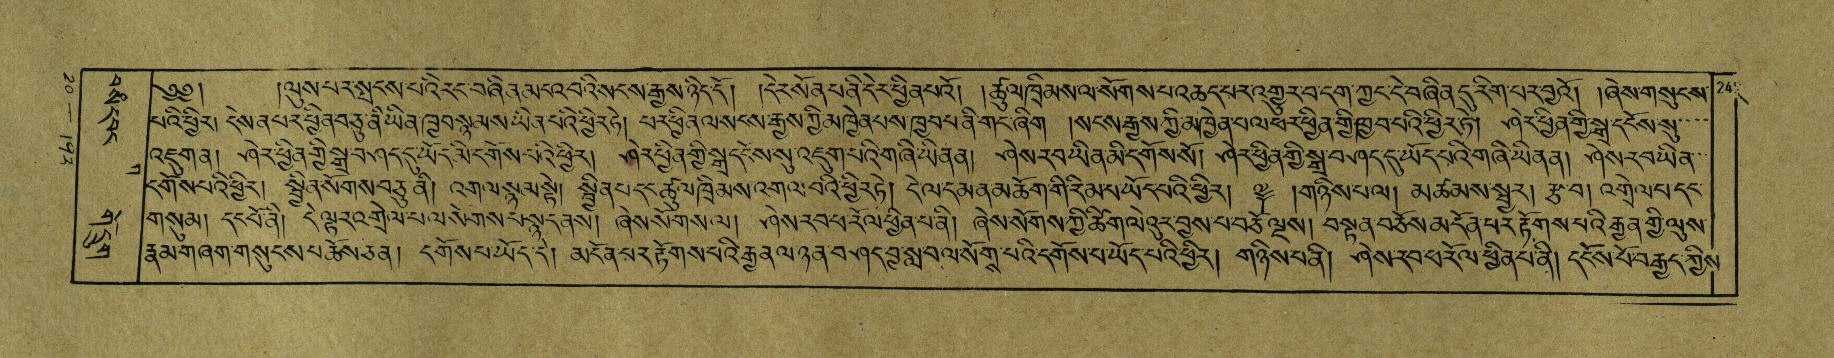༄༅། །ལུས་པར་སྤངས་པའི་རང་བཞིན་མངའ་བའི་སངས་རྒྱས་ཉིད་དོ། །དེར་སོན་པ་ནི་དེར་ཕྱིན་པའོ། །ཚུལ་ཁྲིམས་ལ་སོགས་པ་འཆད་པར་འགྱུར་བ་དག་ཀྱང་དེ་བཞིན་དུ་རིག་པར་བྱའོ། །ཞེས་གསུངས་
པའི་ཕྱིར། དེས་ན་ཕར་ཕྱིན་བཅུ་ནི་ཡིན་ཁྱབ་སྙམས་ཡིན་པའི་ཕྱིར་ཏེ། ཕར་ཕྱིན་ལ་སངས་རྒྱས་ཀྱི་མཁྱེན་པས་ཁྱབ་པ་ནི་གང་ཞིག །སངས་རྒྱས་ཀྱི་མཁྱེན་པ་ལ་ཕར་ཕྱིན་གྱི་ཁྱབ་པའི་ཕྱིར་ཏེ། ཤེར་ཕྱིན་གྱི་སྒྲ་དངོས་སུ་
འཇུག་ན། ཤེར་ཕྱིན་གྱི་སྒྲ་བཤད་དུ་ཡོད་མི་དགོས་པའི་ཕྱིར། ཤེར་ཕྱིན་གྱི་སྒྲ་དངོས་སུ་འཇུག་པའི་གཞི་ཡིན་ན། ཤེས་རབ་ཡིན་མི་དགོས་སོ། ཤེར་ཕྱིན་གྱི་སྒྲ་བཤད་དུ་ཡོད་པའི་གཞི་ཡིན་ན། ཤེས་རབ་ཡིན་
དགོས་པའི་ཕྱིར། སྦྱིན་སོགས་བཅུ་ནི། འགལ་སྙམ་སྟེ། སྦྱིན་པ་དང་ཚུལ་ཁྲིམས་འགལ་བའི་ཕྱིར་ཏེ། དེ་ལ་དམན་མཆོག་གི་རིམ་པ་ཡོད་པའི་ཕྱིར། ༈ །གཉིས་པ་ལ། མཚམས་སྦྱར། རྩ་བ། འགྲེལ་པ་དང་
གསུམ། དང་པོ་ནི། དེ་ལྟར་འགྲེལ་པ་ལ་སོགས་པ་སྙད་ནས། ཞེས་སོགས་ལ། ཤེས་རབ་ཕ་རོལ་ཕྱིན་པ་ནི། ཞེས་སོགས་ཀྱི་ཚིག་ལེའུར་བྱས་པ་བཅོ་ལྔས། བསྟན་བཅོས་མངོན་པར་རྟོགས་པའི་རྒྱན་གྱི་ལུས་
རྣམ་གཞག་གསུངས་པ་ཆོས་ཅན། དགོས་པ་ཡོད་དེ། མངོན་པར་རྟོགས་པའི་རྒྱན་ལ་ཉན་བཤད་བྱ་སླ་བ་ལ་སོགས་པའི་དགོས་པ་ཡོད་པའི་ཕྱིར། གཉིས་པ་ནི། ཤེས་རབ་ཕ་རོལ་ཕྱིན་པ་ནི། དངོས་པོ་བརྒྱད་ཀྱིས་